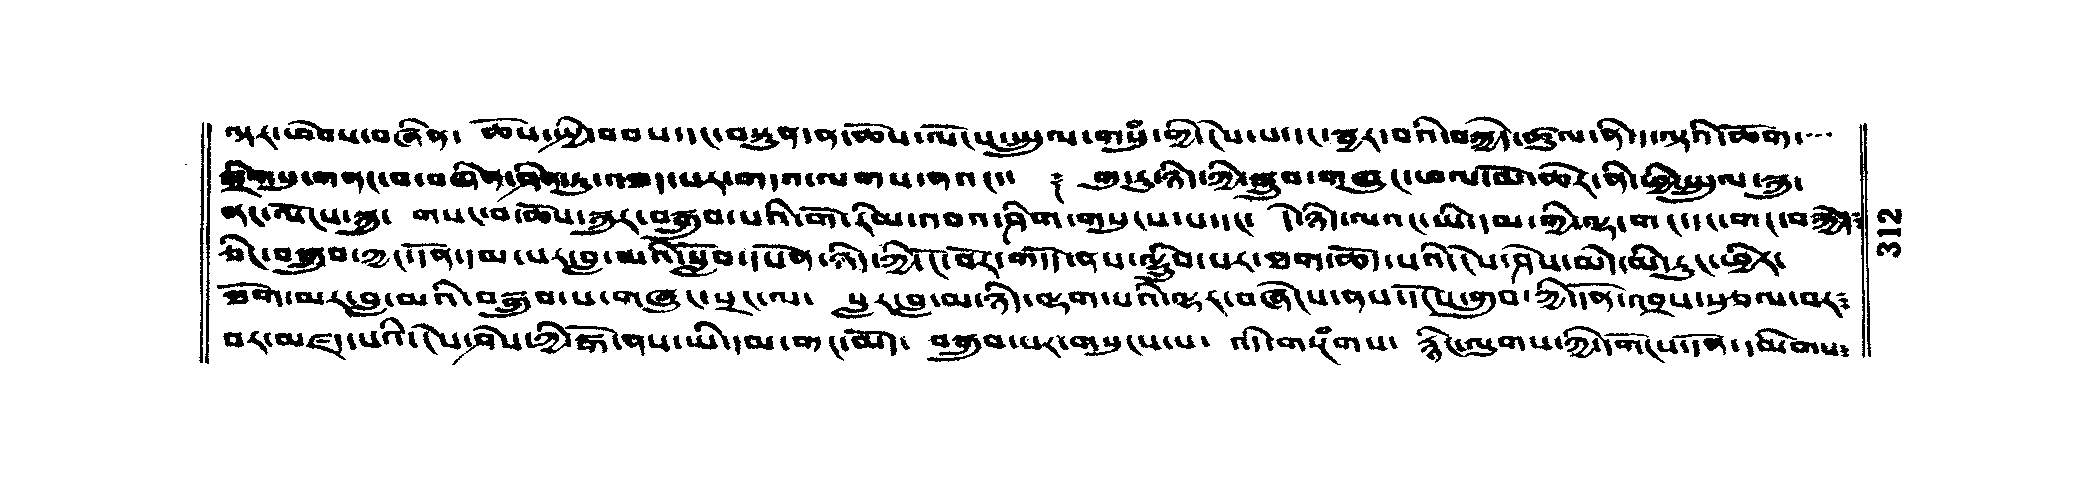ལྟར་ཕེབས་བཞིན། ཆོས་སྤྱི་བབས་དང་བསྟུན་ན་ཆོས་ལོངས་སྤྲུལ་གསུམ་གྱི་ངེས་པ་དང་སྦྱར་བའི་བསྐྱེད་ཚུལ་ནི་ད་ལྟའི་ཆོག་
སྒྲིགས་སུ་གནང་བ་བཞིན་ཤིན་ཏུ་འཐད་པར་གདའ་ལགས་ནའང་། ༈ གུ་རུ་ཉིད་ཀྱི་སྒྲུབ་གཞུང་ཕལ་མོ་ཆེར་ནི་ཕྱི་སྤྲུལ་སྐུ་
ནང་ལོངས་སྐུ། གསང་བ་ཆོས་སྐུར་བསྒྲུབ་པའི་གོ་རིམ་འབའ་ཤིག་གསུངས་པ་དང་། དེ་ཉིད་ལའང་ཡི་དམ་གྱི་ལྷ་གང་དང་གང་བསྐྱེད་
ཅིང་བསྒྲུབ་ཀྱང་དོན་དམ་པར་བླ་མའི་སློབ་དཔོན་ཉིད་ཀྱི་ངོ་བོར་གདོད་ནས་ལྷུན་གྱིས་གྲུབ་པར་ཐག་ཆོད་པའི་ངེས་ཤེས་མེད་མི་རུང་ཕྱིར། 
ཐོག་མར་བླ་མའི་བསྒྲུབ་པ་གཞུང་སྲང་ལ། སླར་བླ་མ་ཉིད་ལྷག་པའི་ལྷར་བཞེངས་ནས་དངོས་གྲུབ་ཀྱི་དོན་འབྲས་སྩལ་བར་
བར་མཛད་པའི་ངེས་ཤེས་ཀྱི་སྒོ་ནས་ཡི་དམ་གང་མོད་བསྒྲུབ་པར་གསུངས་པ། འདི་གསང་སྔགས་རྙིང་ལུགས་ཀྱི་དགོངས་དོན་དམིགས་